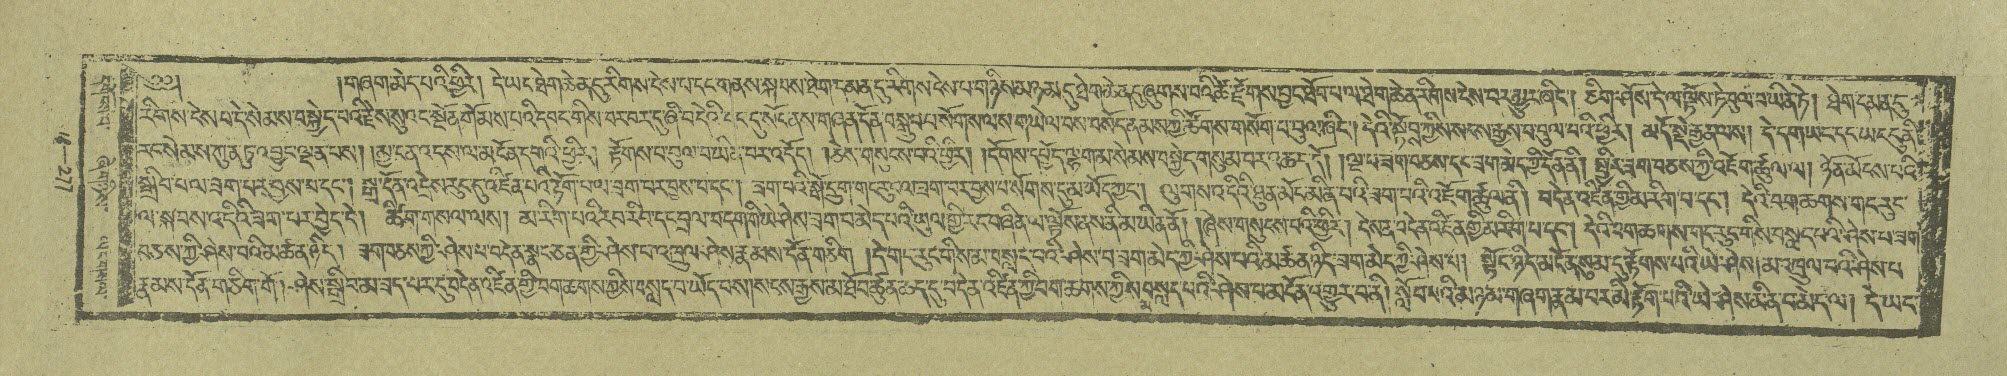༄༅། །གཞག་མེད་པའི་ཕྱིར། དེ་ཡང་ཐེག་ཆེན་དུ་རིགས་ངེས་པ་དང་གནས་སྐབས་ཐེག་དམན་དུ་རིགས་ངེས་པ་གཉིས་མཉམ་དུ་ཐེག་ཆེན་དུ་ཞུགས་པའི་ཚེ་རྫོགས་བྱང་ཐོབ་པ་ལ་ཐེག་ཆེན་རིགས་ངེས་བར་མྱུར་ཞིང་། ཅིག་ཤོས་དེ་ལ་ལྟོས་ཏེ་བུལ་བ་ཡིན་ཏེ། ཐེག་དམན་དུ་
རིགས་ངེས་པ་དེ་སེམས་བསྐྱེད་པའི་རྗེས་སུའང་སྔོན་གོམས་པའི་དབང་གིས་བར་བར་དུ་ཞི་བདེའི་ངང་དུ་སོང་ནས་གཞན་དོན་བསྒྲུབ་པ་སོགས་ལས་གཡེལ་བས་བསོད་ནམས་ཀྱི་ཚོགས་གསོག་པ་བུལ་ཞིང་། དེའི་སྟོབས་ཀྱིས་སངས་རྒྱས་པ་བུལ་བའི་ཕྱིར། མདོ་སྡེ་རྒྱན་ལས། དེ་དག་ཡང་དང་ཡང་དུ་ནི།
རང་སེམས་ཀུན་ཏུ་འབྱུང་ལྡན་པས། །མྱ་ངན་འདས་ལ་མངོན་དགའི་ཕྱིར། རྟོགས་པ་བུལ་བ་ཡིན་པར་འདོད། །ཅེས་གསུངས་པའི་ཕྱིར། །དོགས་དཔྱོད་ལྷག་མ་སེམས་བསྐྱེད་གསུམ་པར་འཆད་དོ། །ལྔ་པ་ཟག་བཅས་དང་ཟག་མེད་ཀྱི་དོན་ནི། སྤྱིར་ཟག་བཅས་ཀྱི་འཇོག་ཚུལ་ལ། ཉོན་མོངས་པའི་
སྒྲིབ་པ་ལ་ཟག་པར་བྱས་པ་དང་། སྒྲ་དོན་འདྲེས་རུང་དུ་འཛིན་པའི་རྟོག་པ་ལ་ཟག་པར་བྱས་པ་དང་། ཟག་པའི་སྒོ་དྲུག་གང་རུང་ལ་ཟག་པར་བྱས་པ་སོགས་དུ་མ་ཡོད་ཀྱང་། ལུགས་འདིའི་ཐུན་མོང་མིན་པའི་ཟག་པའི་འཇོག་ཚུལ་ནི། བདེན་འཛིན་གྱི་མ་རིག་པ་དང་། དེའི་བག་ཆགས་གང་རུང་
ལ་སྐབས་འདིའི་ཟག་པར་བྱེད་དེ། ཚིག་གསལ་ལས། མ་རིག་པའི་རབ་རིབ་དང་བྲལ་བ་དག་གི་ཡེ་ཤེས་ཟག་པ་མེད་པའི་ཡུལ་གྱི་རང་བཞིན་ལ་ལྟོས་ནས་ནི་མ་ཡིན་ནོ། །ཞེས་གསུངས་པའི་ཕྱིར། དེས་ན་བདེན་འཛིན་གྱི་མ་རིག་པ་དང་། དེའི་བག་ཆགས་གང་རུང་གིས་བསླད་པའི་ཤེས་བཟང་
བཅས་ཀྱི་ཤེས་པའི་མཚན་ཉིད། ཟག་བཅས་ཀྱི་ཤེས་པ་བདེན་སྣང་ཅན་གྱི་ཤེས་པ་འཁྲུལ་ཤེས་རྣམས་དོན་གཅིག །དེ་གང་རུང་གིས་མ་བསླད་པའི་ཤེས་པ་ཟག་མེད་ཀྱི་ཤེས་པའི་མཚན་ཉིད་ཟག་མེད་ཀྱི་ཤེས་པ། སྟོང་ཉིད་མངོན་སུམ་དུ་རྟོགས་པའི་ཡེ་ཤེས། མ་འཁྲུལ་བའི་ཤེས་པ་
རྣམས་དོན་གཅིག་གོ །ཤེས་སྒྲིབ་མ་ཟད་པར་དུ་བདེན་འཛིན་གྱི་བག་ཆགས་ཀྱིས་བསླད་པ་ཡོད་པས། སངས་རྒྱས་མ་ཐོབ་ཚུན་ཆད་དུ་བདེན་འཛིན་གྱི་བག་ཆགས་ཀྱིས་བསླད་པའི་ཤེས་པ་མངོན་འགྱུར་བ་ནི། སློབ་པའི་མཉམ་གཞག་རྣམ་པར་མི་རྟོག་པའི་ཡེ་ཤེས་མིན་པ་མེད་ལ། དེ་ཡང་